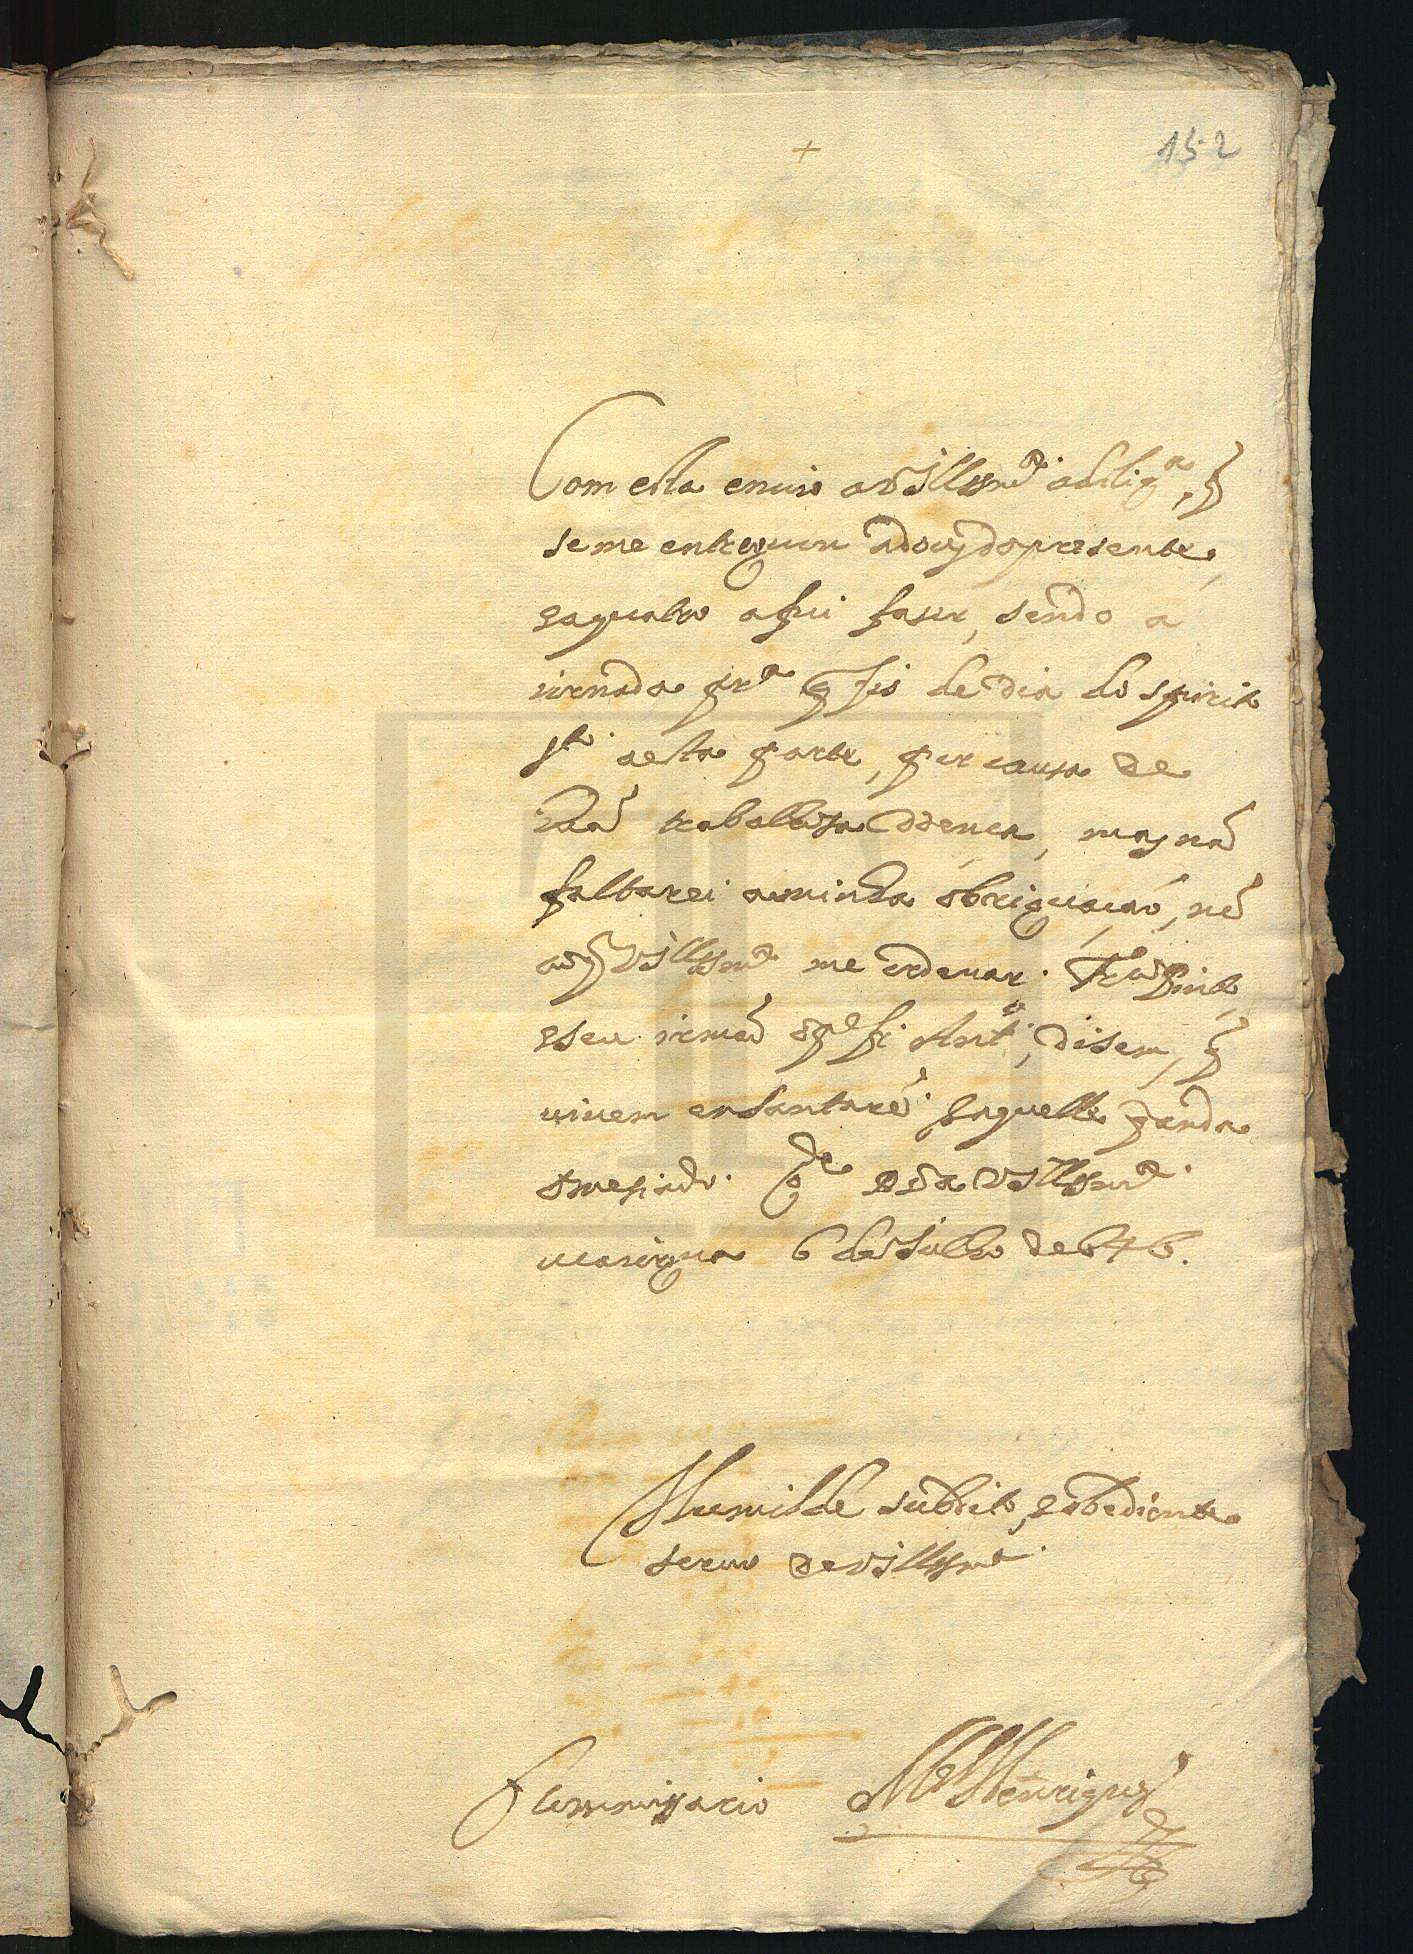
Com esta enuio a v Illssma. a diliga, q̄
se me entreguou a dous da presente,
E a quatro a fui faser, sendo a
iornada pra q̄ fis de dia do spirito
sto. a esta parte, por causa de
huā trabalhosa doença, mas naõ
faltarei a minha obriguaçaõ, nē
ao q̄ V Illssma me ordenou. Frco Pinto,
E seu irmaõ o pe fr. Anto., disem, q̄
uiuem em Santarē. E aquelle q̄ anda
omesiado. gde Ds̄ a v Illssma.
maiorgua 6 de Iulho de 646.
Humilde subdito, e obediente
seruo de v illssma.
O commissario
